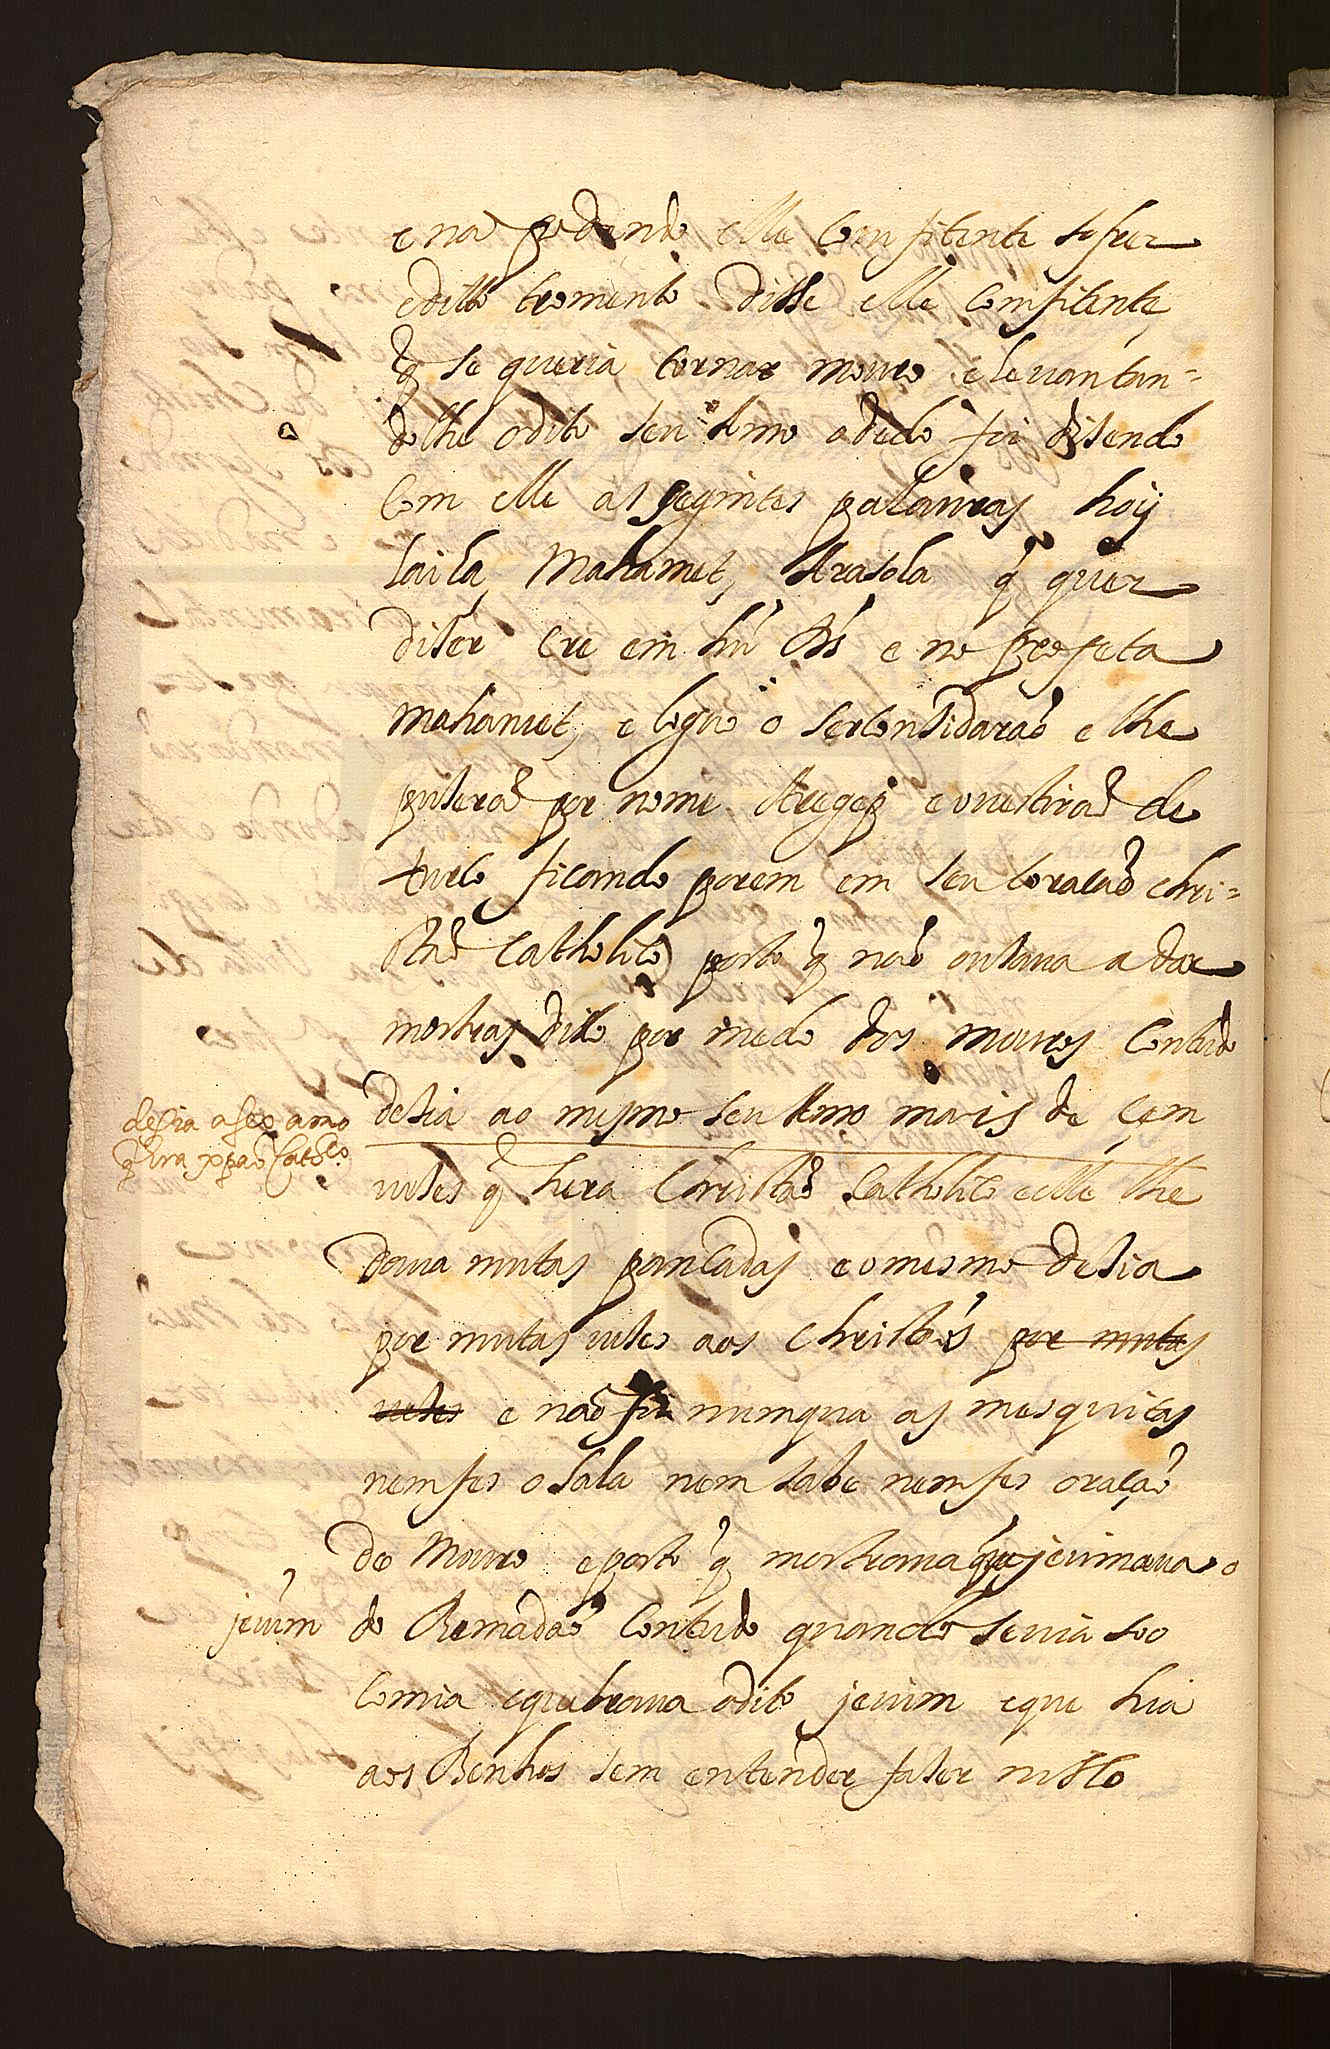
e naõ podendo elle comfitente sofrer
o ditto tromento disse elle comfitente
q̄ se queria tornar mouro e leuantan
dolhe o dito seu Amo o dedo foi disendo
com elle as segintes palauras hoy
lai ha mahamet, Arasola q̄ quer
diser cre em hū Ds̄ e no profeta
mahamet, e loguo o serconsidaraõ e lhe
puseraõ por nome Aregep e o uestiraõ de
turco ficando porem em seu coraçaõ chri
staõ catholico posto q̄ naõ ousaua a dar
mostras disso por medo dos mouros contudo
desia ao mesmo seu Amo mais de cem
desia a seo amo
q̄ Era xpaõ Cath.co
ueses q̄ hera Christaõ catholico e elle lhe
daua mutas pancadas e o mesmo desia
por mutas ueses aos christaõs por mutas
ueses e naõ foi numqua as mesquitas
nem fes o sala nem sabe nem fes oraçaõ
de mouro e posto q̄ mostraua que jeivmaua o
jeium
do Ramadaõ contudo quando se uia soo
comia e quebraua o dito jeium e que hia
aos Banhos sem entender faser nisso
